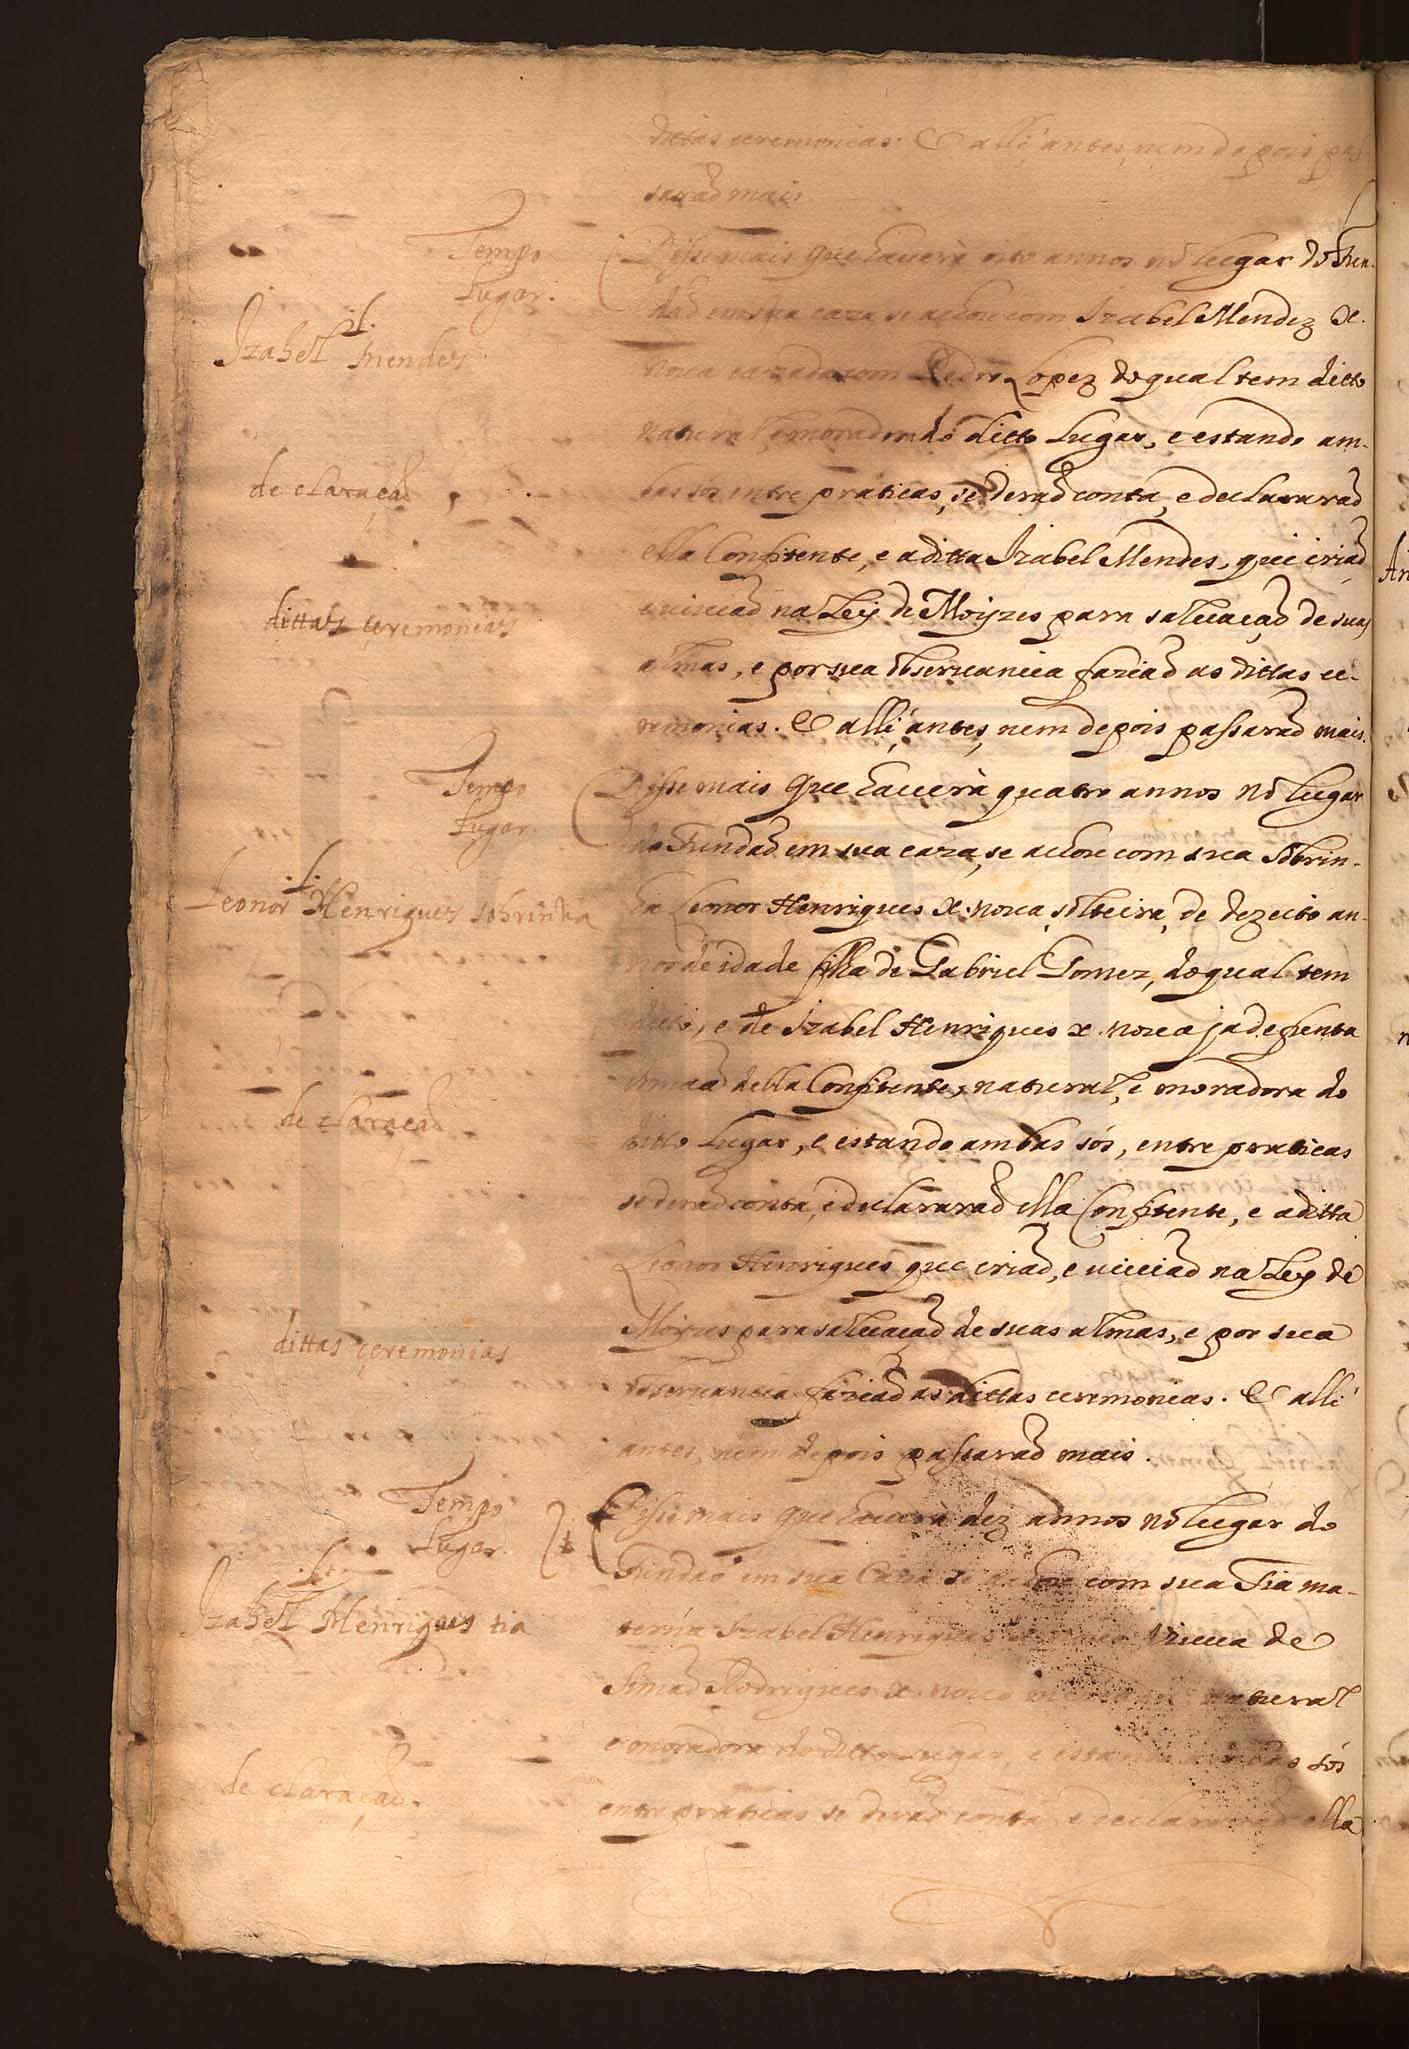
Tempo
Lugar.
.L.
Izabel mendes
declaraçaõ
dittas çeremonias
Tempo
Lugar.
.L.
Leonor Henriques sobrinha
declaraçaõ
dittas çeremonias
Tempo
Lugar.
.L.
Izabel Henriques tia
declaraçaõ.
ditas ceremonias. E alli antes, nem depois pas
saraõ mais
Disse mais que hauerà oito annos no lugar do Fun
daõ em sua caza se achou com Izabel Mendez x.
noua cazada com Pedro Lopez do qual tem ditto
natural e morador do ditto Lugar, e estando am
bos sós entre praticas, se deraõ conta, e declararaõ
ella Confitente, e a ditta Izabel Mendes, que criaõ
e uiuiaõ na Ley de Moyzes para saluaçaõ de suas
almas, e por sua obseruancia faziaõ as dittas ce
remonias. E alli, antes, nem depois passaraõ mais.
Disse mais que hauerà quatro annos no lugar
do Fundaõ em sua caza, se achou com sua sobrin
ha Leonor Henriques x. noua, solteira, de dezoito an
nos de idade filha de Gabriel Gomez, do qual tem
ditto, e de Izabel Henriques x. noua ja defunta
Irmaã della Confitente, natural, e moradora do
ditto Lugar, e estando ambas sós, entre praticas
se deraõ conta, e declararaõ ella Confitente, e a ditta
Leonor Henriques que criaõ, e uiuiaõ na Ley de
Moyzes pera saluaçaõ de suas almas, e por sua
observancia faziaõ as dittas ceremonias. E alli
antes nem depois passaraõ mais.
Disse mais que hauerà dez annos no lugar do
Fundaõ em sua caza se achou com sua Tia ma
terna Izabel Henriques _ viuua de
Simaõ Rodrigues x. nouo mercador natural
e morador do ditto Lugar, e estando ambos sós
entre praticas se deraõ conta e declararaõ ella
